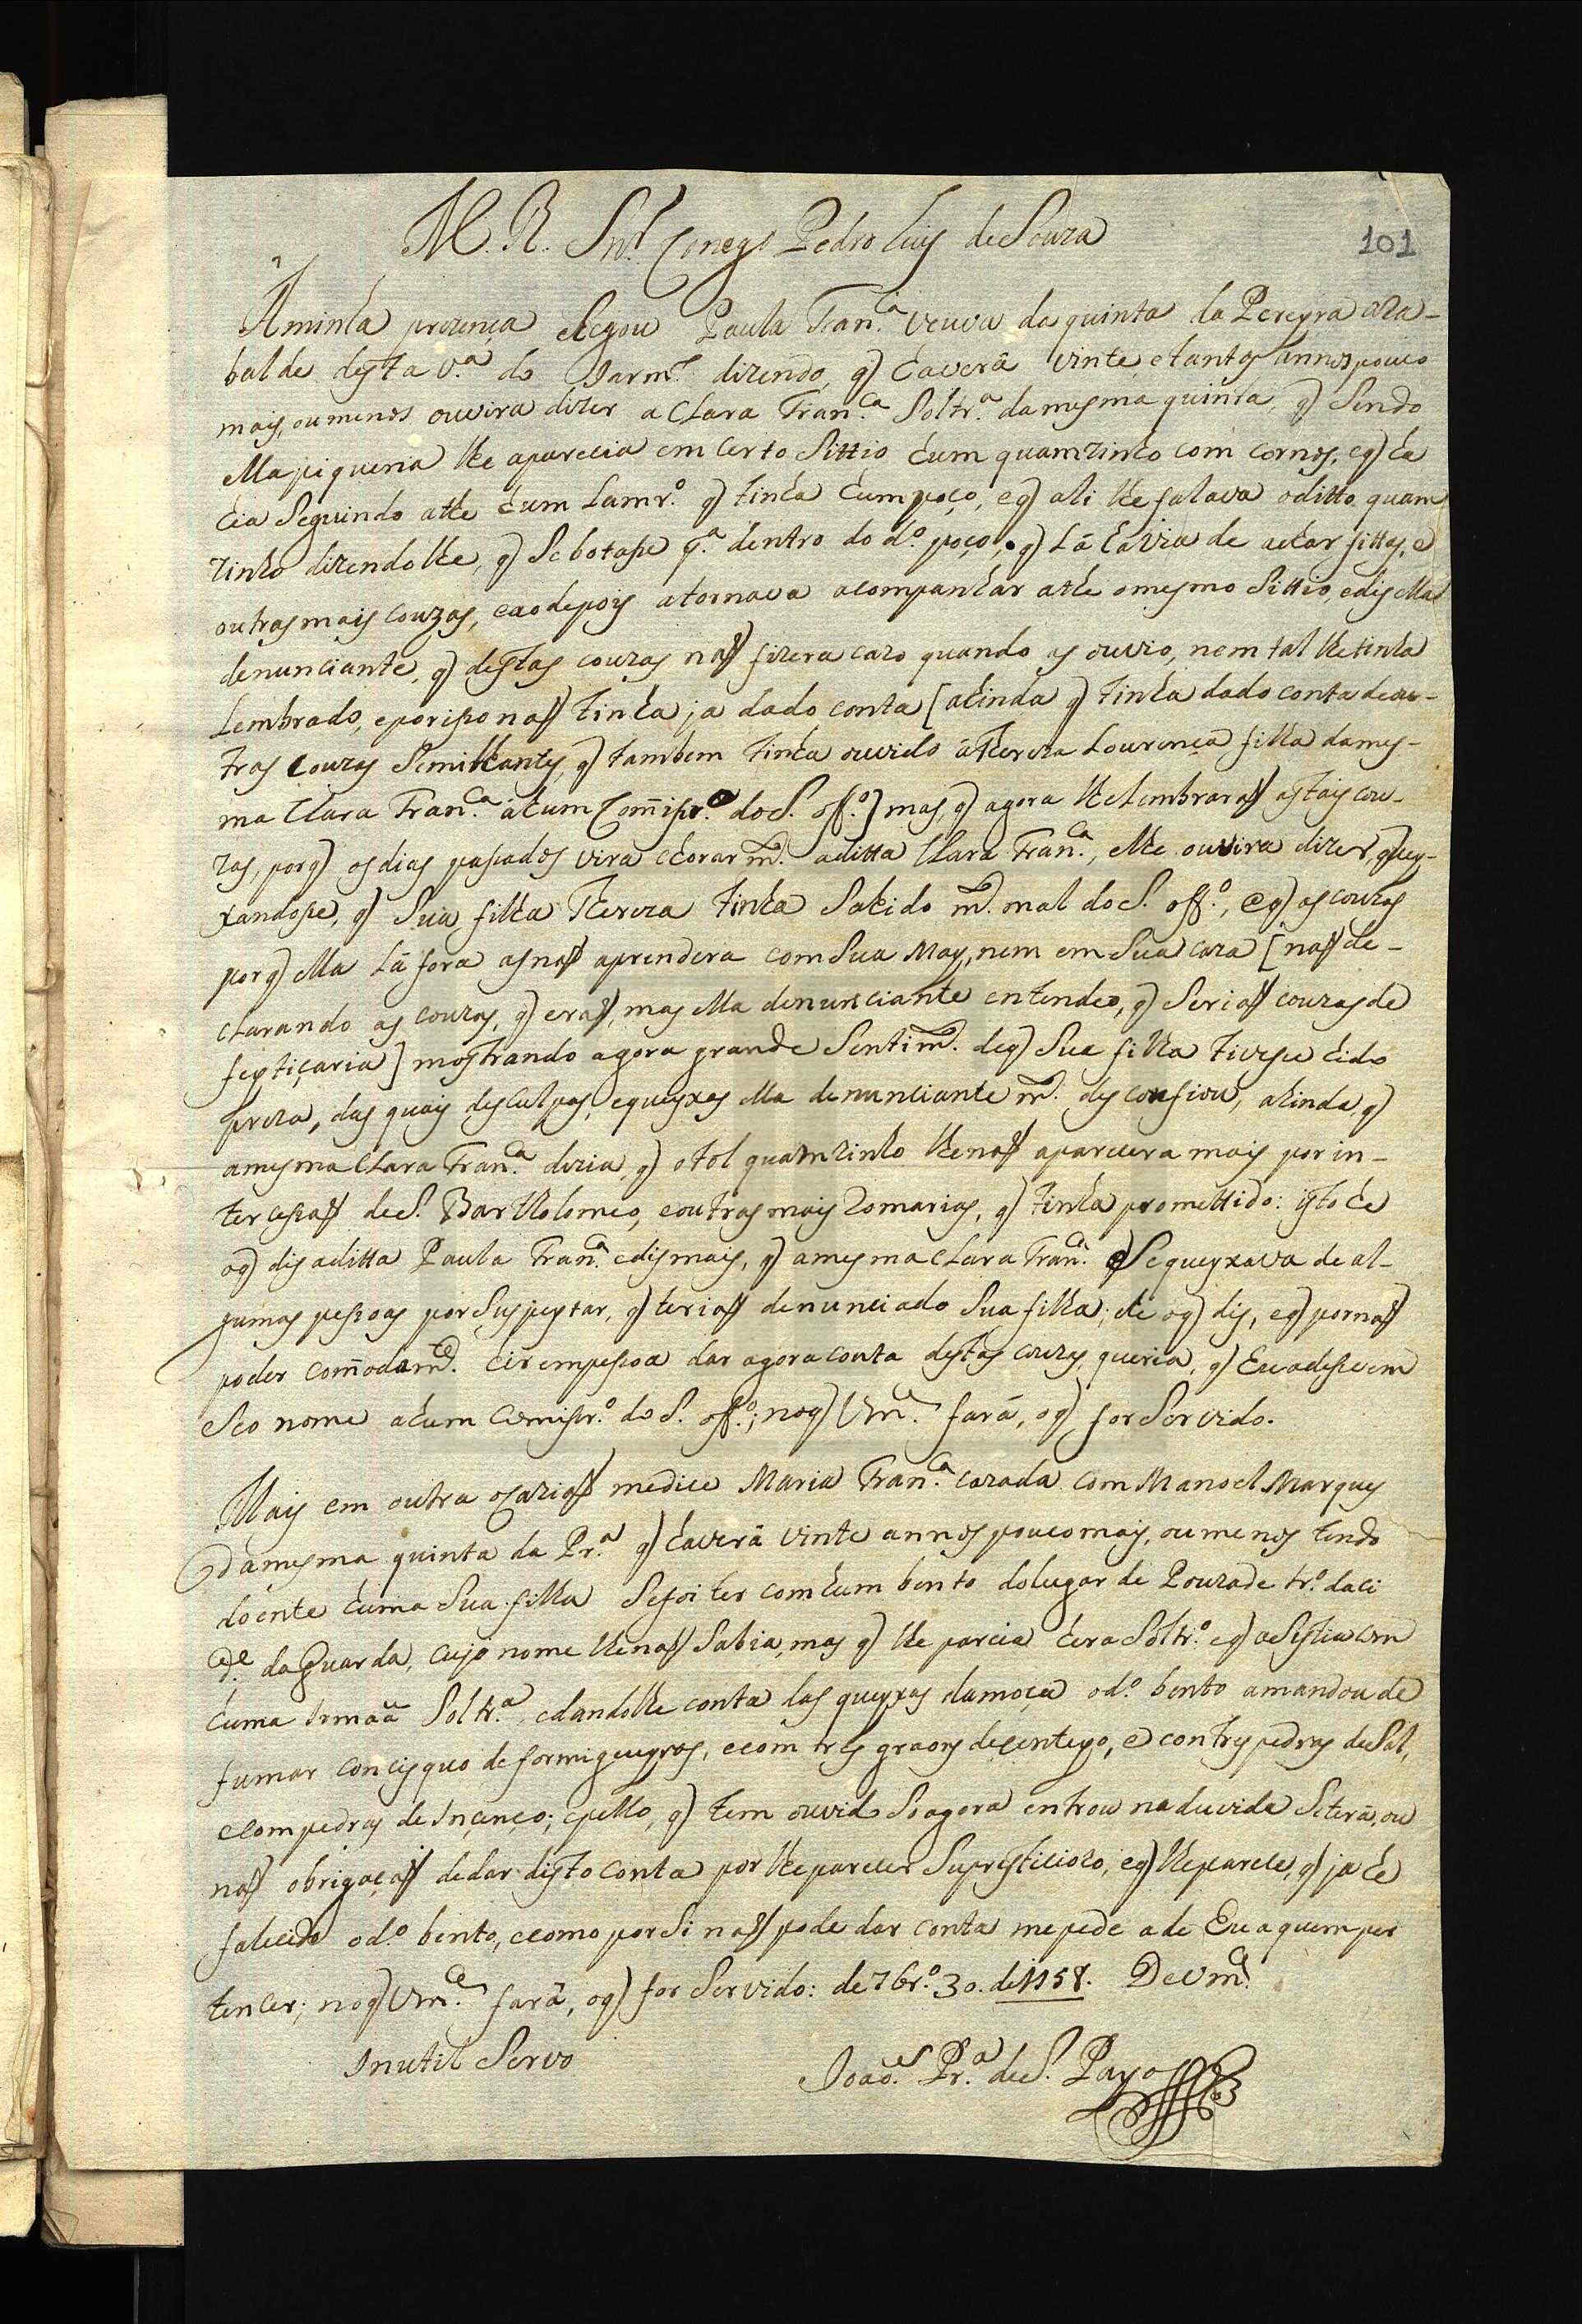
M. R. Sn.r Conego Pedro Luis de Souza
À minha prezença chegou Paula Fran.ca veuva da quinta da Pereyra aRa
balde desta V.a do Iarm.o dizendo, q̄ haverá vinte, e tantos annos pouco
mais, ou menos ouvira dizer a Clara Fran.ca Soltr.a da mesma quinta, q̄ Sendo
ella piquena lhe aparecia em certo Sittio hum quamzinho com cornos, e q̄ ha
hia seguindo athe hum Lamr.o q̄ tinha hum poço, e q̄ ali lhe falava o ditto quam
zinho dizendo lhe, q̄ Se botasse p.a dentro do d.o poço, q̄ Lá havia de achar fittas, e
outras mais couzas, e ao depois a tornava acompanhar athe o mesmo Sittio, e dis ella
denunciante, q̄ destas couzas naõ fizera cazo quando as ouvio, nem tal lhe tinha
Lembrado, e por isso naõ tinha ja dado conta [ahinda q̄ tinha dado conta de ou
tras couzas Semilhantes, q̄ tambem tinha ouvido á Thereza Lourença filha da mes
ma Clara Fran.ca a hum Com̄isr.o do S. off.o] mas, q̄ agora lhe lembraraõ as tais cou
zas, porq̄ os dias passados vira chorar m.to a ditta Clara Fran.ca, e lhe ouvira dizer, quey
xandosse, q̄ Sua filha Thereza tinha Sahido m.to mal do S. off.o, e q̄ as couzas
por q̄ ella Lá fora as naõ aprendera com Sua May, nem em Sua caza [naõ de
clarando as couzas, q̄ eraõ, mas ella denunciante entendeo, q̄ Seriaõ couzas de
feytiçaria] mostrando agora grande Sentim.to de q̄ Sua filha tivesse hido
preza, das quais desculpas e queyxas ella denunciante m.to desconfiou, ahinda q̄
a mesma CLara Fran.ca dizia, q̄ o tal quamzinho lhe naõ aparecera mais por in
tercessaõ de S. Bartholomeo, e outras mais Romarias, q̄ tinha promettido: isto he
o q̄ dis a ditta Paula Fran.ca e dis mais, q̄ a mesma clara Fran.ca Se queyxava de al
gumas pessoas por suspeytar, q̄ teriaõ denunciado Sua filha; de o q̄ dis, e q̄ por naõ
poder com̄odam.te hir em pessoa dar agora conta destas couzas, queria, q̄ Eu a desse em
Seo nome a hum Comissr.o do S. off.o, no q̄ V m.ce fará, o q̄ for Servido.
Mais em outra oCaziaõ me dice Maria Fran.ca cazada com Manoel Marques
da mesma quinta da Pr.a q̄ haverá vinte annos pouco mais, ou menos tendo
doente huma Sua filha Se foi ter com hum bento do lugar de Pouzade tr.o da ci
d.e da Guarda, cujo nome lhe naõ Sabia, mas q̄ lhe parcia hera Soltr.o e q̄ aSistia com
huma Irmaã Soltr.a, e dandolhe conta das queyxas da moça o d.o bento a mandou de
fumar con cisquo de formigueyros, e com tres graons de centeyo, e con tres pedras de Sal,
e com pedras de Inçenço; e pello, q̄ tem ouvido So agora entrou na duvida Se terá, ou
naõ obrigaçaõ de dar disto conta por lhe parecer Supresticiozo, e q̄ lhe parece, q̄ ja he
falecido o d.o bento, e como por Si naõ pode dar conta me pede a de Eu a quem per
tencer; no q̄ v m.ce fará, o q̄ for Servido: de 7br.o 30 de i758. De v mce
Inutil Servo
